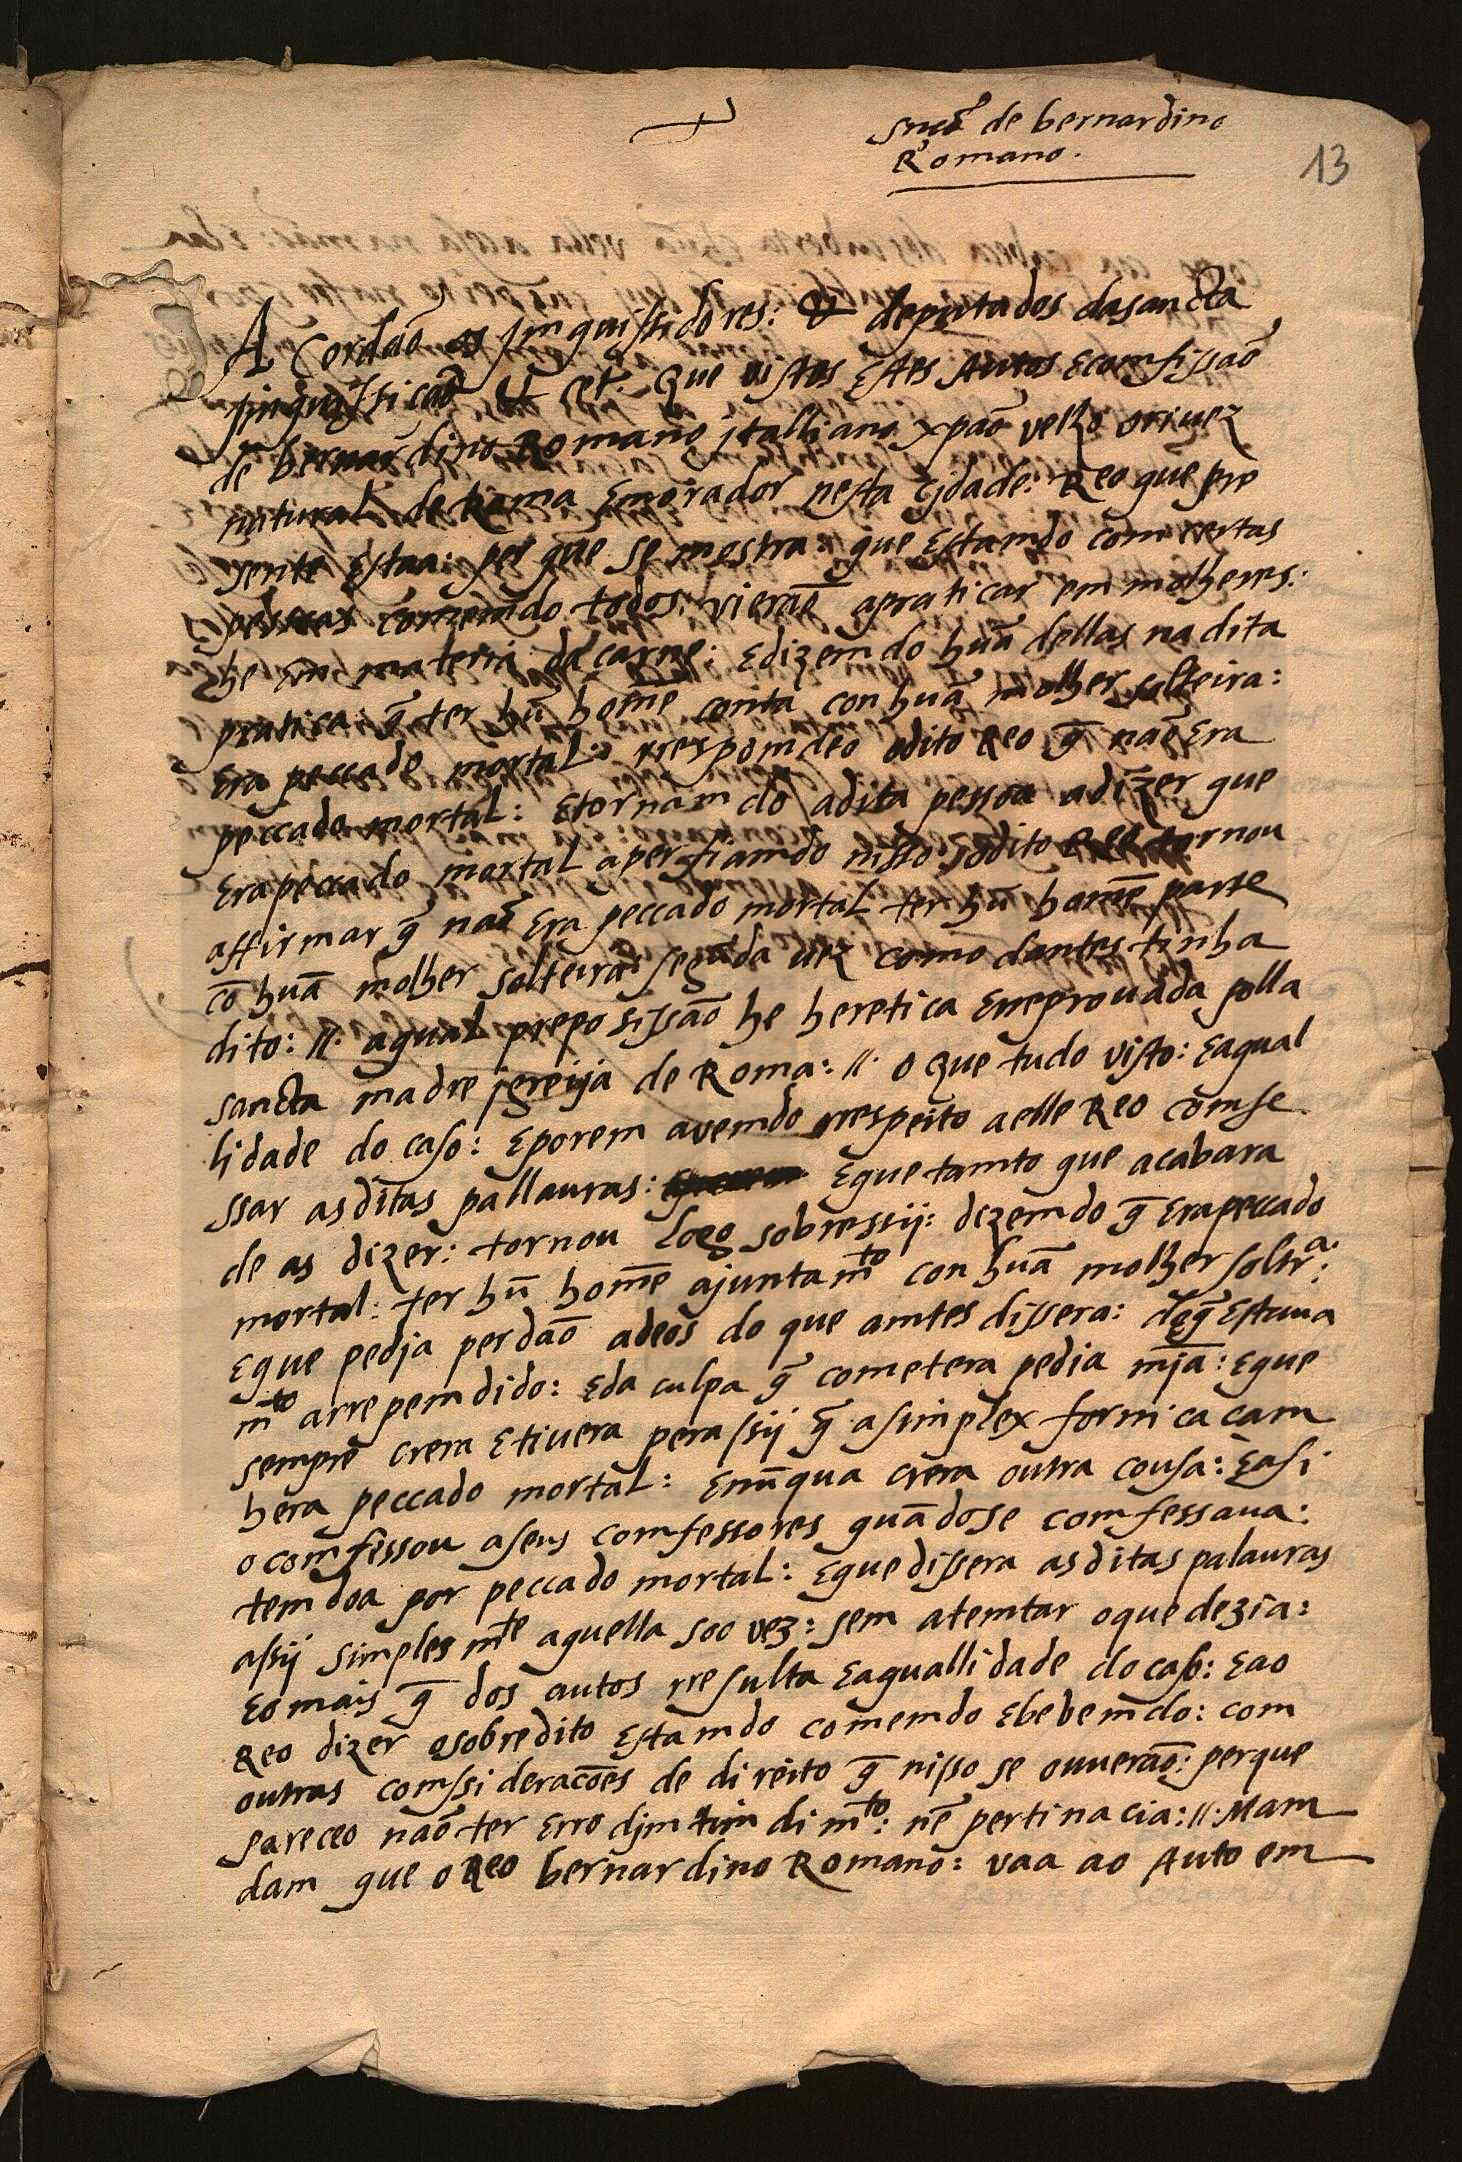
snçā de bernardino
Romano
Acordaõ os jmquissidores: & deputados da sancta
jmquissição & cet. Que vistos Estes Autos E comfissaõ
de bernardino Romano jtalliano xpaõ velho oriuez
natural de Roma E morador nesta cjdade Reo que pre
sente Estaa per que se mostra que Estando com certas
pessoas comemdo todos vieraõ a praticar em molheres
he Em materia da carne: E dizemdo huā dellas na dita
pratica q̄ ter hū hom̄e conta con huā molher solteira:
Era peccado mortaL rrespomdeo o dito Reo q̄ naõ Era
peccado mortaL: E tornamdo a dita pessoa a dizer que
Era peccado mortaL aperfiamdo nisso o dito Reo tornou
affirmar q̄ naõ Era peccado mortaL ter hū homē parte
c̄o huā molher solteira segūda uez como dantes tinha
dito //. a qual preposissão he heretica E rreprouada polla
sancta madre jgreja de Roma //. o Que tudo visto E a qual
lidade do caso E porem avemdo o respeito a elle Reo comfe
ssar as ditas pallavras _ E que tamto que acabara
de as dizer tornou logo sobre ssij dizemdo q̄ Era peccado
mortal ter hū hom̄e ajuntamto con huā molher soltra
E que pedja perdão a deos do que amtes dissera de q̄ Estaua
mto arrepemdido E da culpa q̄ cometera pedia m̄ja E que
sempre crera E tiuera pera / sij q̄ a simplex fornicaçam
hera peccado mortaL E nūqua crera outra cousa E asi
o comfessou a seus comfessores quādo se comfessaua
temdoa por peccado mortaL E que dissera as ditas palauras
assij simplesmte aquella soo vez sem atemtar o que dezia
E o mais q̄ dos autos rresulta E a quallidade do caso E ao
Reo dizer o sobredito Estamdo comemdo E bebemdo com
outras comssiderações de direito q̄ nisso se ouuerão per que
pareceo naõ ter Erro djmtimdimto nē pertinacia //. Mam
dam que o Reo bernardino Romano vaa ao Auto em
